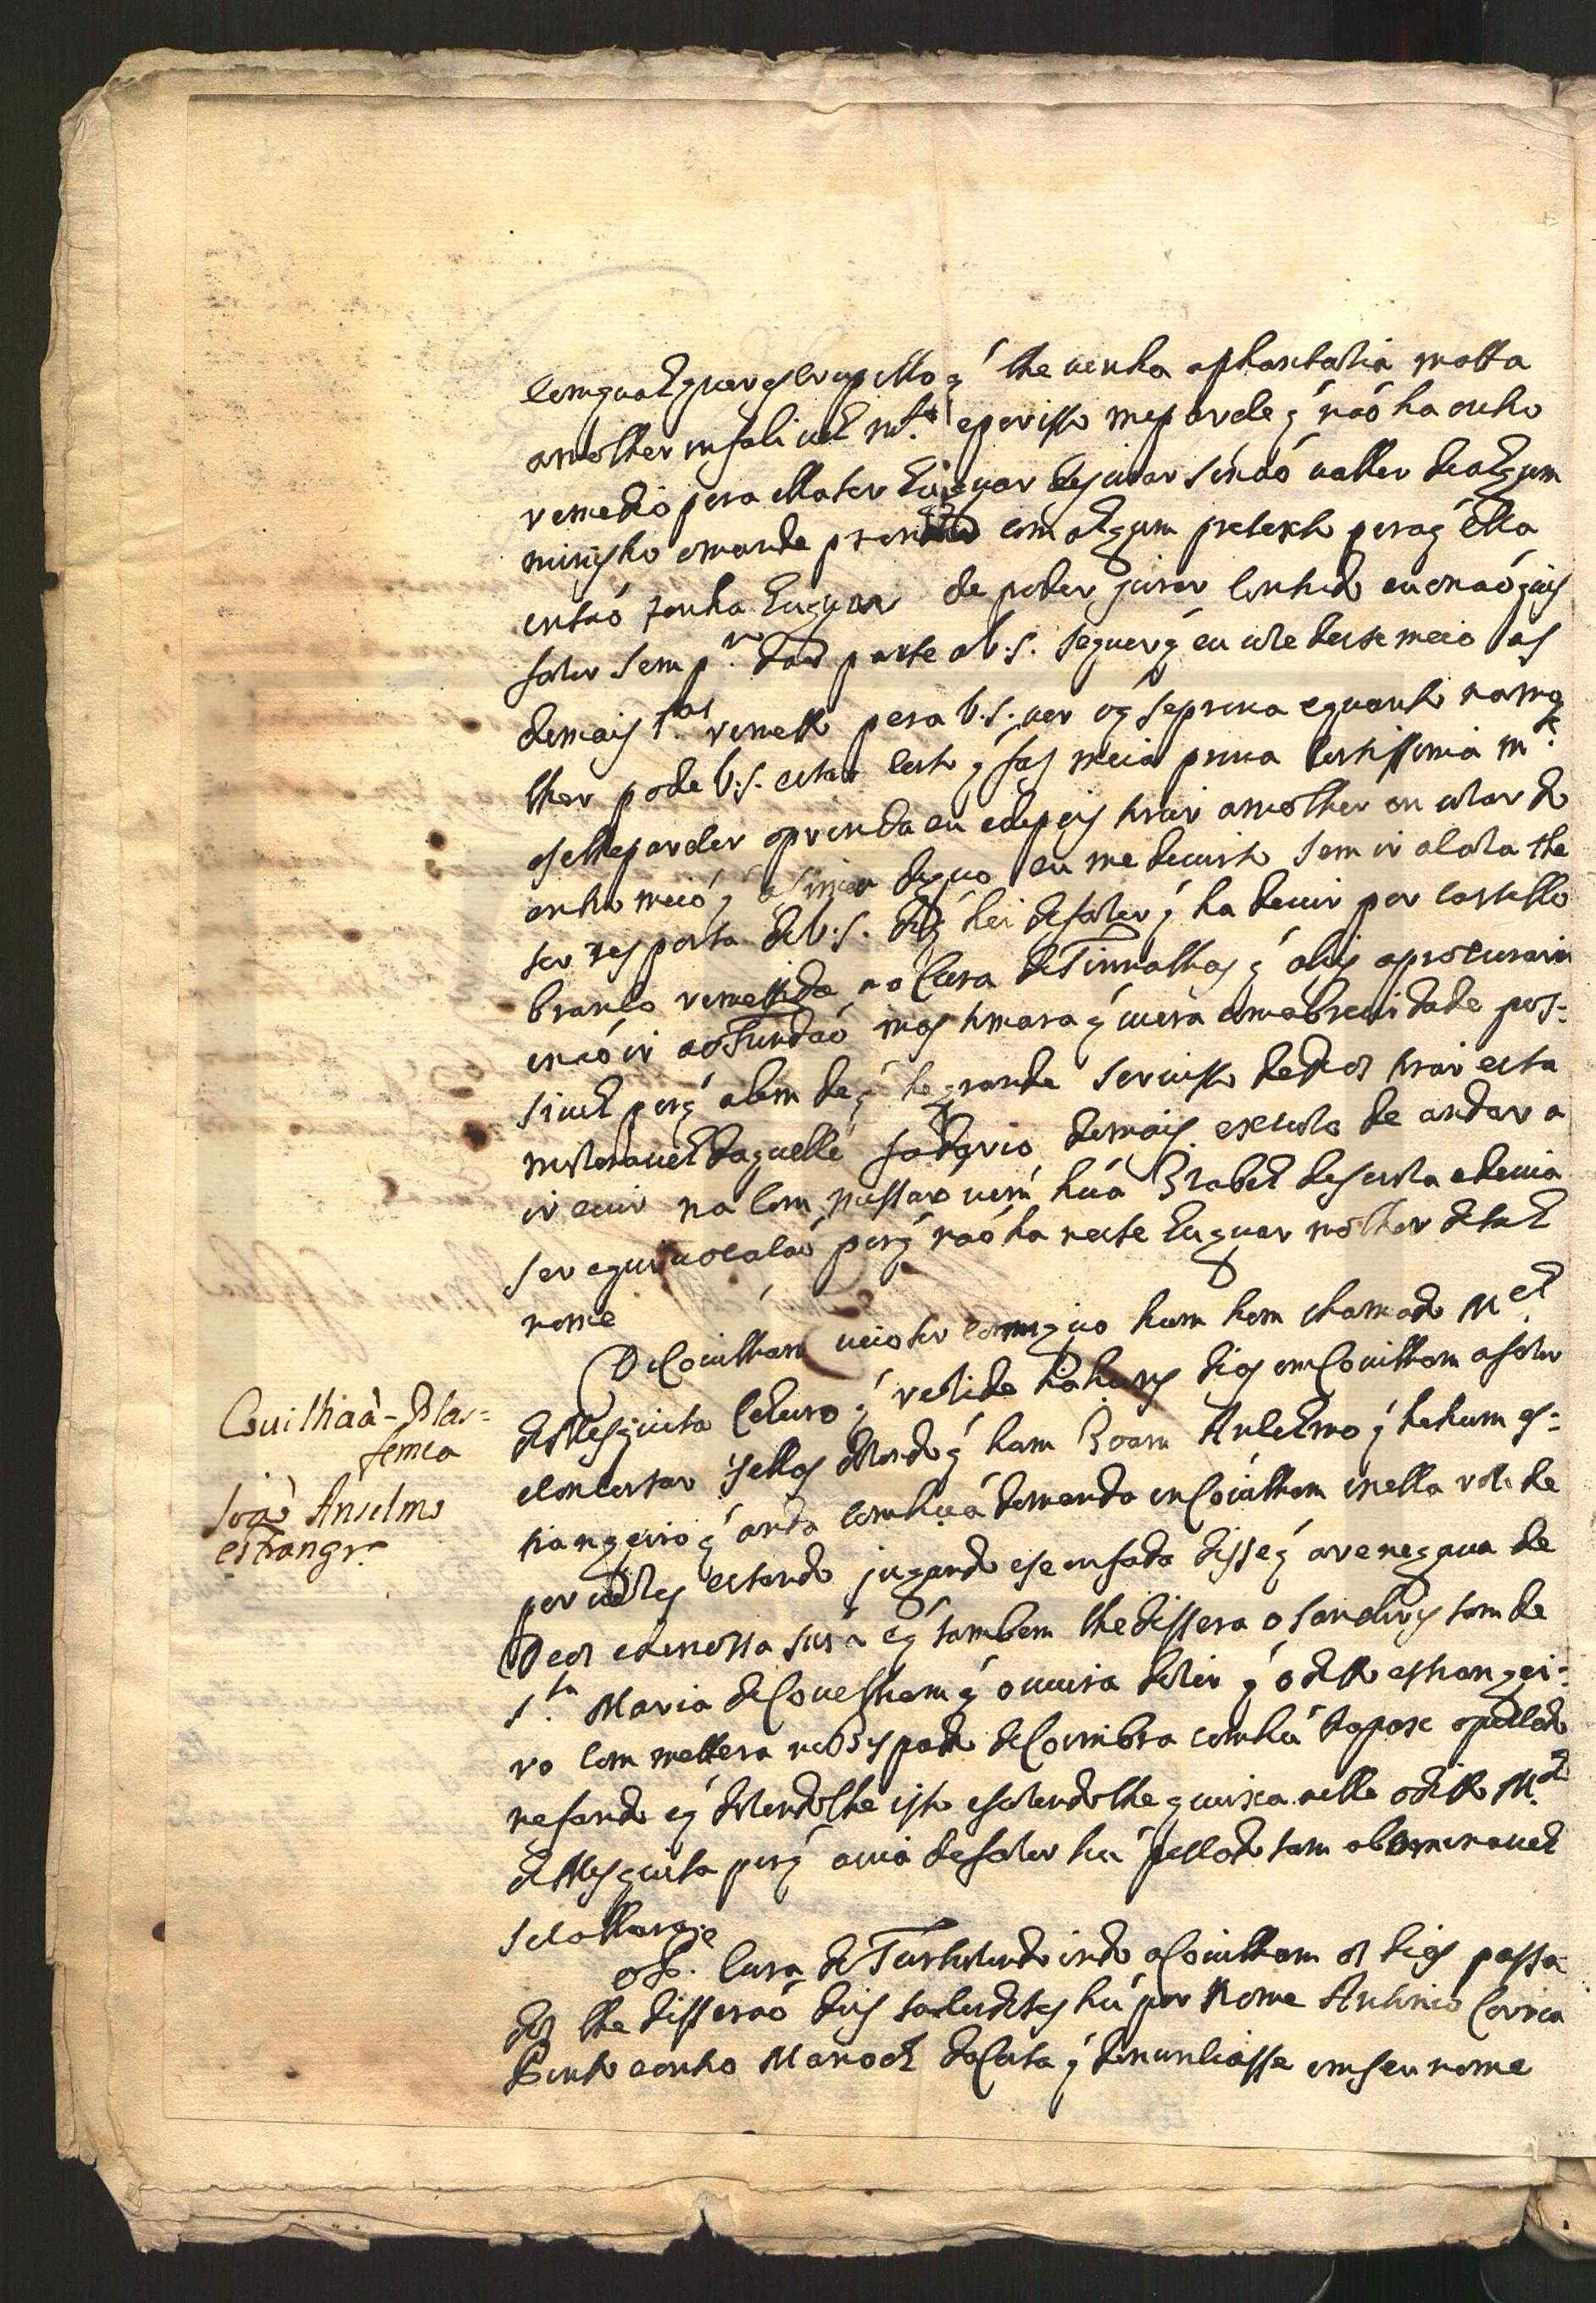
Couilhaã - Blas
femea
loaõ Anselmo
estrangr.o
com qualquer escrupello q̄ lhe uenha a phantazia matta
a molher infaliuelm.te e por isso me parece q̄ naõ ha outro
remedio pera ella ter luguar de jurar sendo ualler de algum
ministro e mande prender com algum pretexto pera q̄ ella
entaõ tenha luguar de poder jurar, contudo ou o naõ quis
fazer sem p.ro dar parte a V. s. sequer q̄ eu uze deste meio as
demais t.as remetto pera V. S. uer o q̄ se proua e quanto na mo
lher pode V. S. estar certo q̄ faz meia proua certissimamte.
e se lhe parder o prenda eu e depois tirar a molher ou estar do
outro meio q̄ asinar diguo eu me deuirto sem ir a caza the
ter resposta de V. S. de q̄ hei de fazer q̄ ha de uir por castello
branco remettida ao Cura de Tinnalhas q̄ ahy a procurarei
e naõ ir ao Fundaõ mas tomara q̄ uiera com a breuidade pos
siuel porq̄ alem de q̄ he grande seruisso de Deos tirar esta
miserauel daquelle sudario de mais excuzo de andar a
ir e uir na commissaõ uem huā Izabel de souza e deuia
ser equiuocaçaõ porq̄ naõ ha neste luguar molher de tal
nome
De Couilham ueio ter comiguo hum hom chamado Me.l
de Mesquita Celeiro q̄ rezide ha huns dias em Couilham a fazer
e concertar sellas dizendo q̄ hum Ioam Ancelmo q̄ he hum es
trangeiro q̄ anda com huā demanda en Couilham e nella rezide
per uezes estando jugando e sem fado disse q̄ arenegaua de
Deos e de nossa snra e q̄ tambem lhe dissera o sanchristam de
S.ta Maria de Couelham q̄ ouuira dizer q̄ o ditto estrangei
ro commettera no Bispado de Coimbra com hū rapax o peccado
nefando e q̄ dizendolhe isto e fazendolhe queixa a elle o ditto M.el
de Mesquita porq̄ auia de fazer hū peccado tam abominauel
se callara.
o P.e Cura de Turtuzendo indo a Couilham os dias passa
dos lhe disseraõ dois sacerdotes hū por nome Antonio Correa
Pinto e outro Manoel da Cata q̄ denunciasse em seu nome
